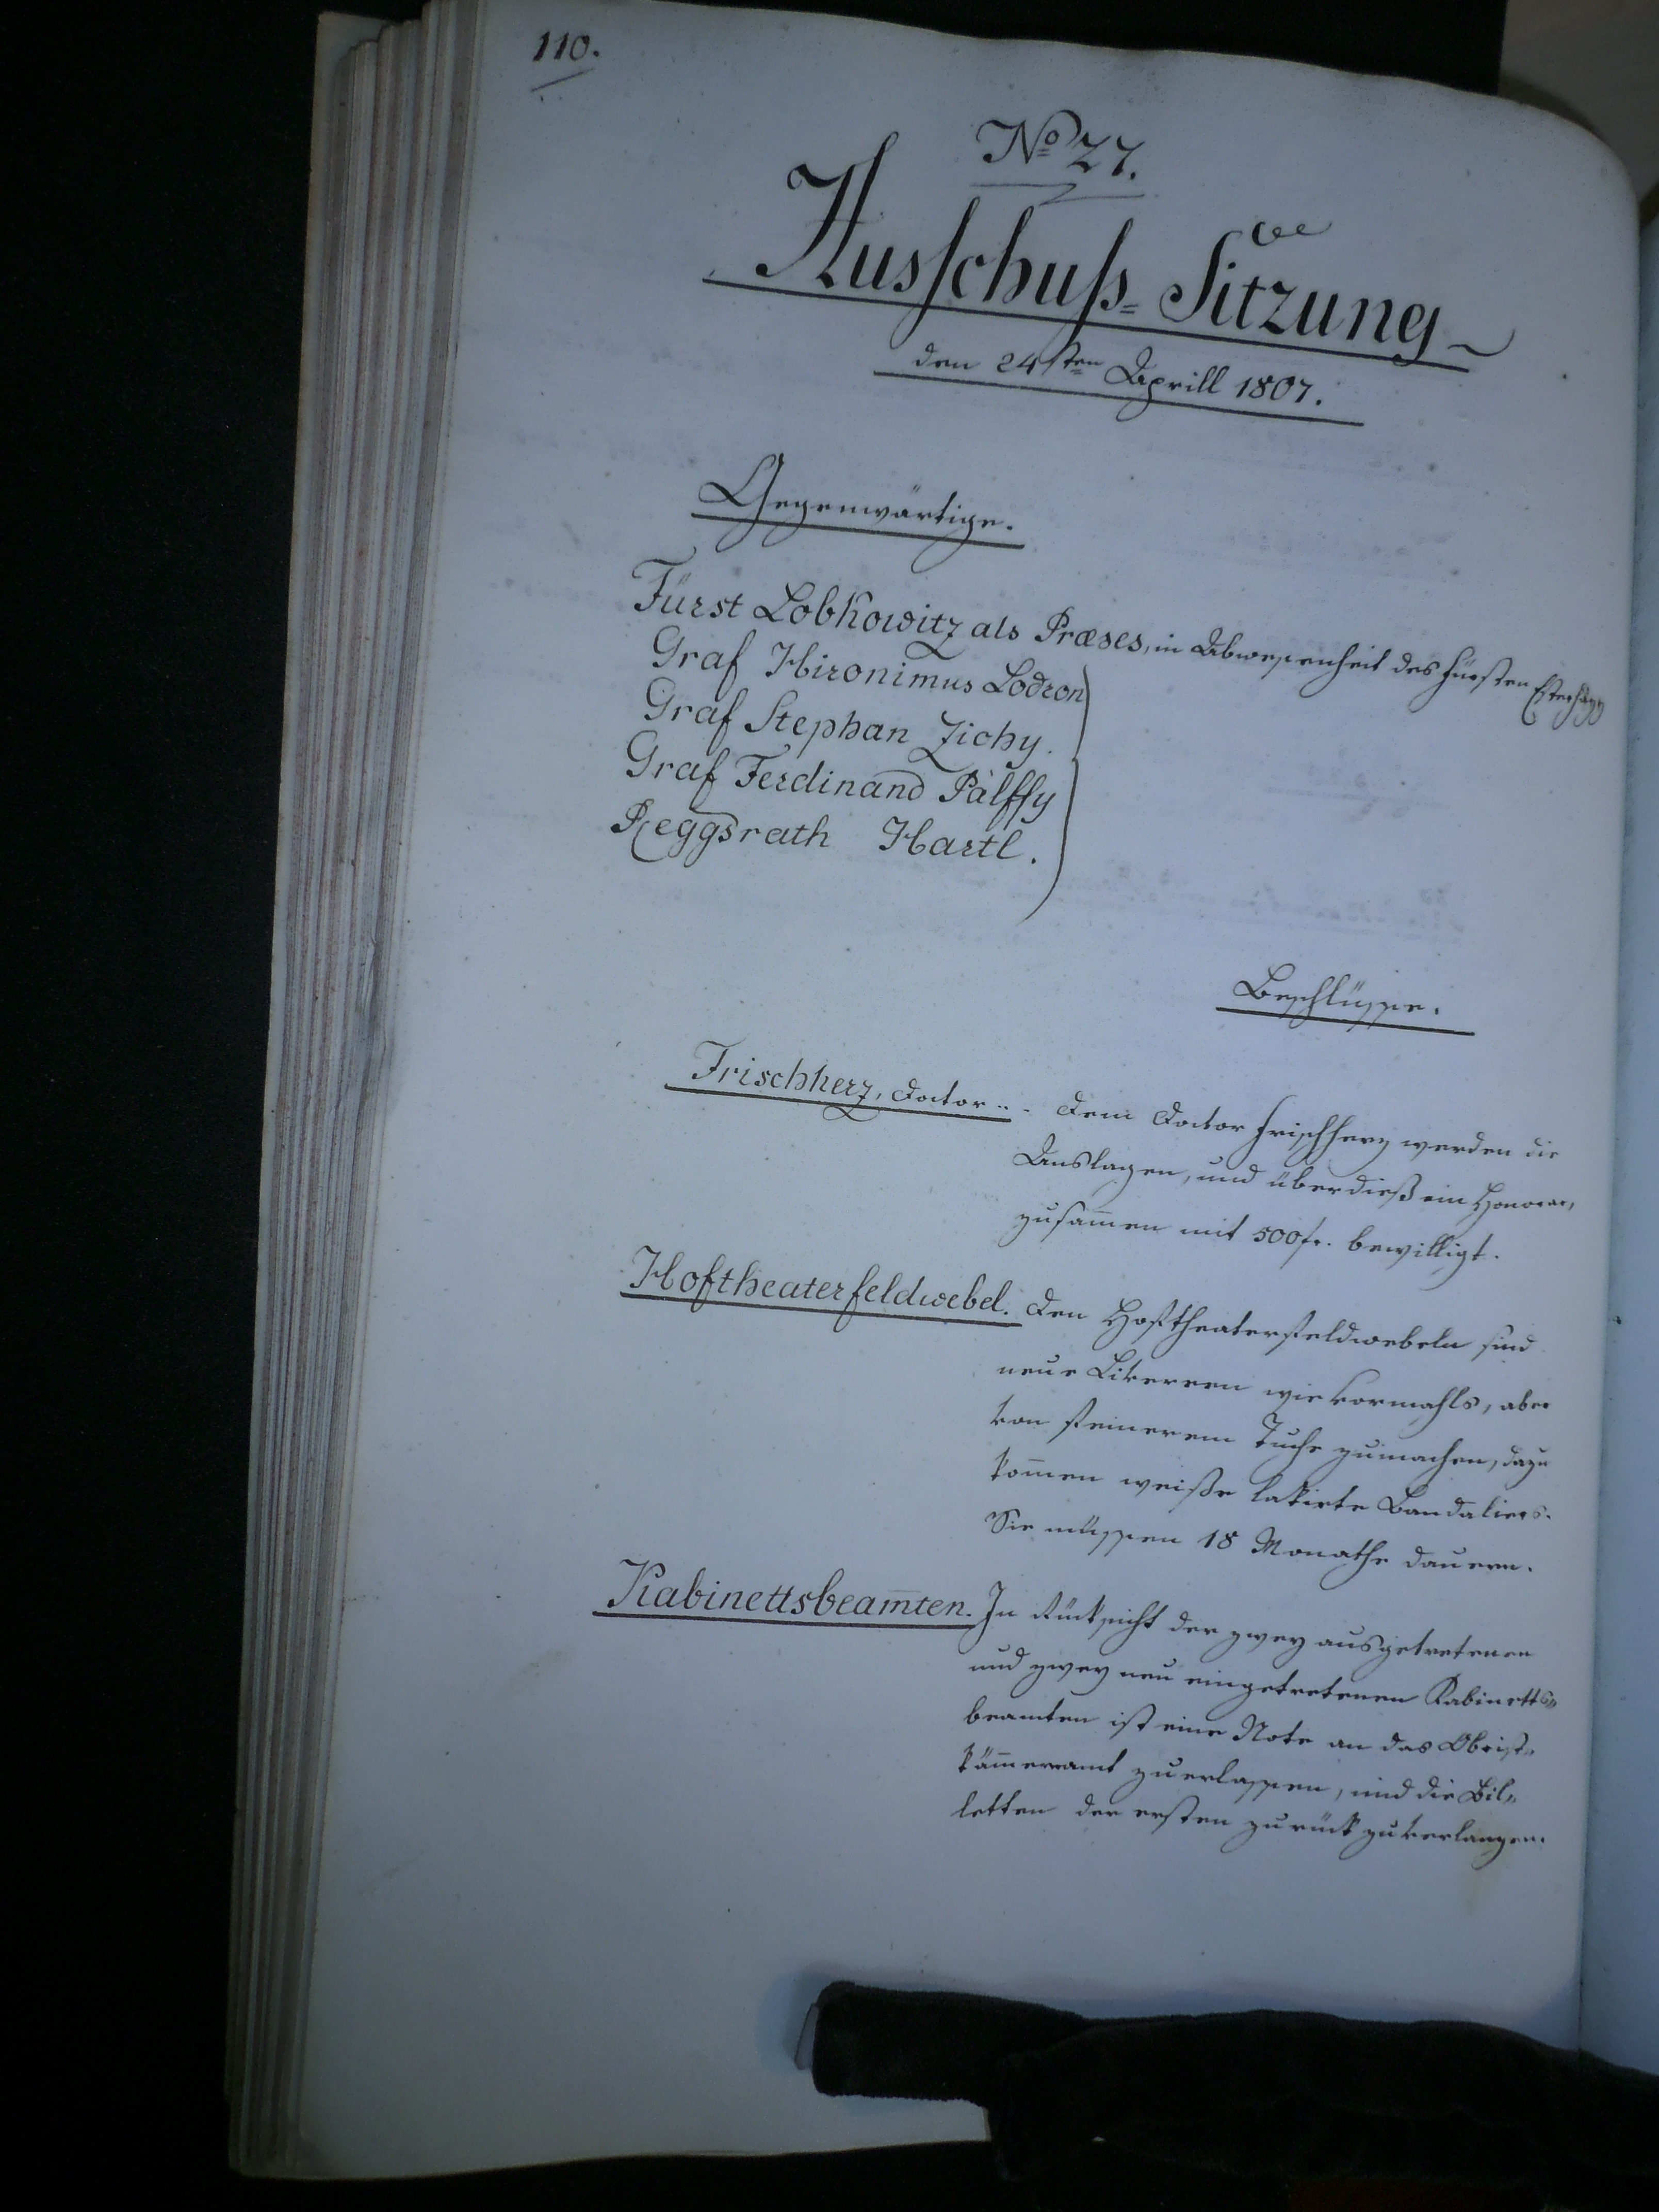110.
No͇ 27.
Ausschuss‗Sitzung
den 24te͇n Aprill 1807.
Gegenwärtige.
Fürst Lobkowitz als Præses, in Abwesenheit des Fürsten Esterhàzy
Graf Hironimus Lodron
Graf Stephan Zichy.
Graf Ferdinand Pàlffy
Reg͞gsrath Hartl.
Beschlüsse.
Frischherz, Doctor .. . Dem Doctor Frischerz werden die
Auslagen, und über dieß ein Honorar,
zusam̅en mit 500fr. bewilligt.
Hoftheaterfeldwebel. Den Hoftheaterfeldwebeln sind
neue Livereen wie vormahls, aber
von feinerem Tuche zumachen, dazu
kom̅en weiße lakirte Bandaliers.
Sie müssen 18 Monathe dauern.
Kabinettsbeam̅ten. In Rücksicht der zwey ausgetretenen
und zwey neu eingetretenen Kabinetts¬
beamten ist eine Note an das Obrist¬
käm̅erramt zuerlassen, und die Bil¬
letten der ersten zurück zuverlangen.